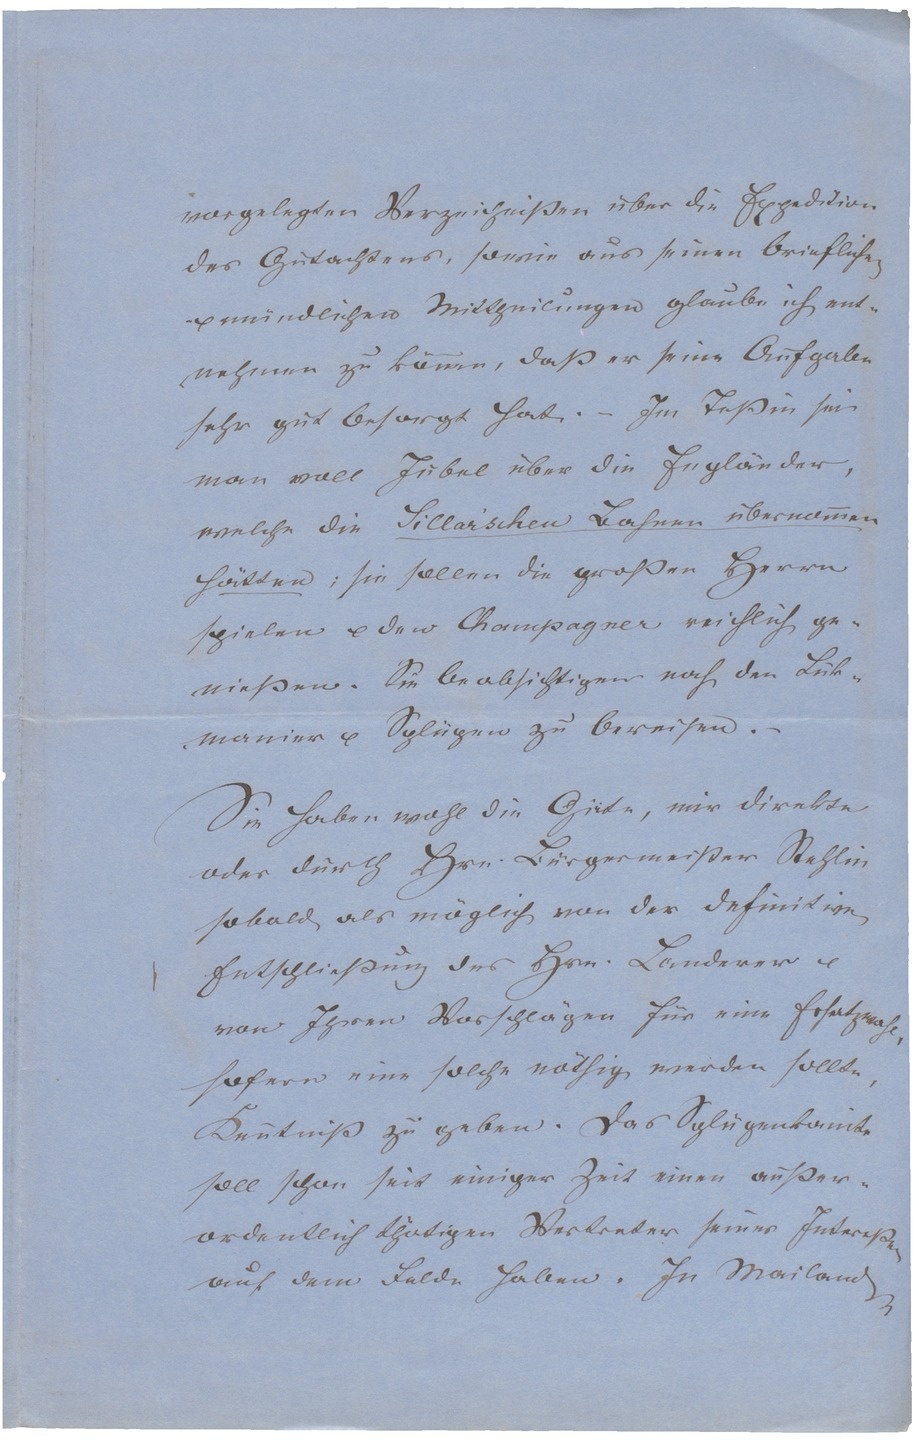vorgelegten Verzeichnißen über die Expedition
des Gutachtens, sowie aus seinen brieflichen
& mündlichen Mittheilungen glaube ich ent-
nehmen zu können, daß er seine Aufgabe
sehr gut besorgt hat. – Im Teßin sei
man voll Jubel über die Engländer,
welche die Sillar'schen Bahnen übernommen
hätten; sie sollen die großen Herrn
spielen & den Champagner reichlich ge-
nießen. Sie beabsichtigen noch den Luk-
manier & Splügen zu bereisen. –
Sie haben wohl die Güte, mir direkte
oder durch Hrn. Bürgermeister Stehlin
sobald als möglich von der definitiven
Entschließung des Hrn. Landerer &
von Ihren Vorschlägen für eine Ersatzwahl
sofern eine solche nöthig werden sollte,
Kenntniß zu geben. Das Splügenkomite
soll schon seit einiger Zeit einen außer-
ordentlich thätigen Vertreter seiner Intereßen
auf dem Felde haben. In Mailand